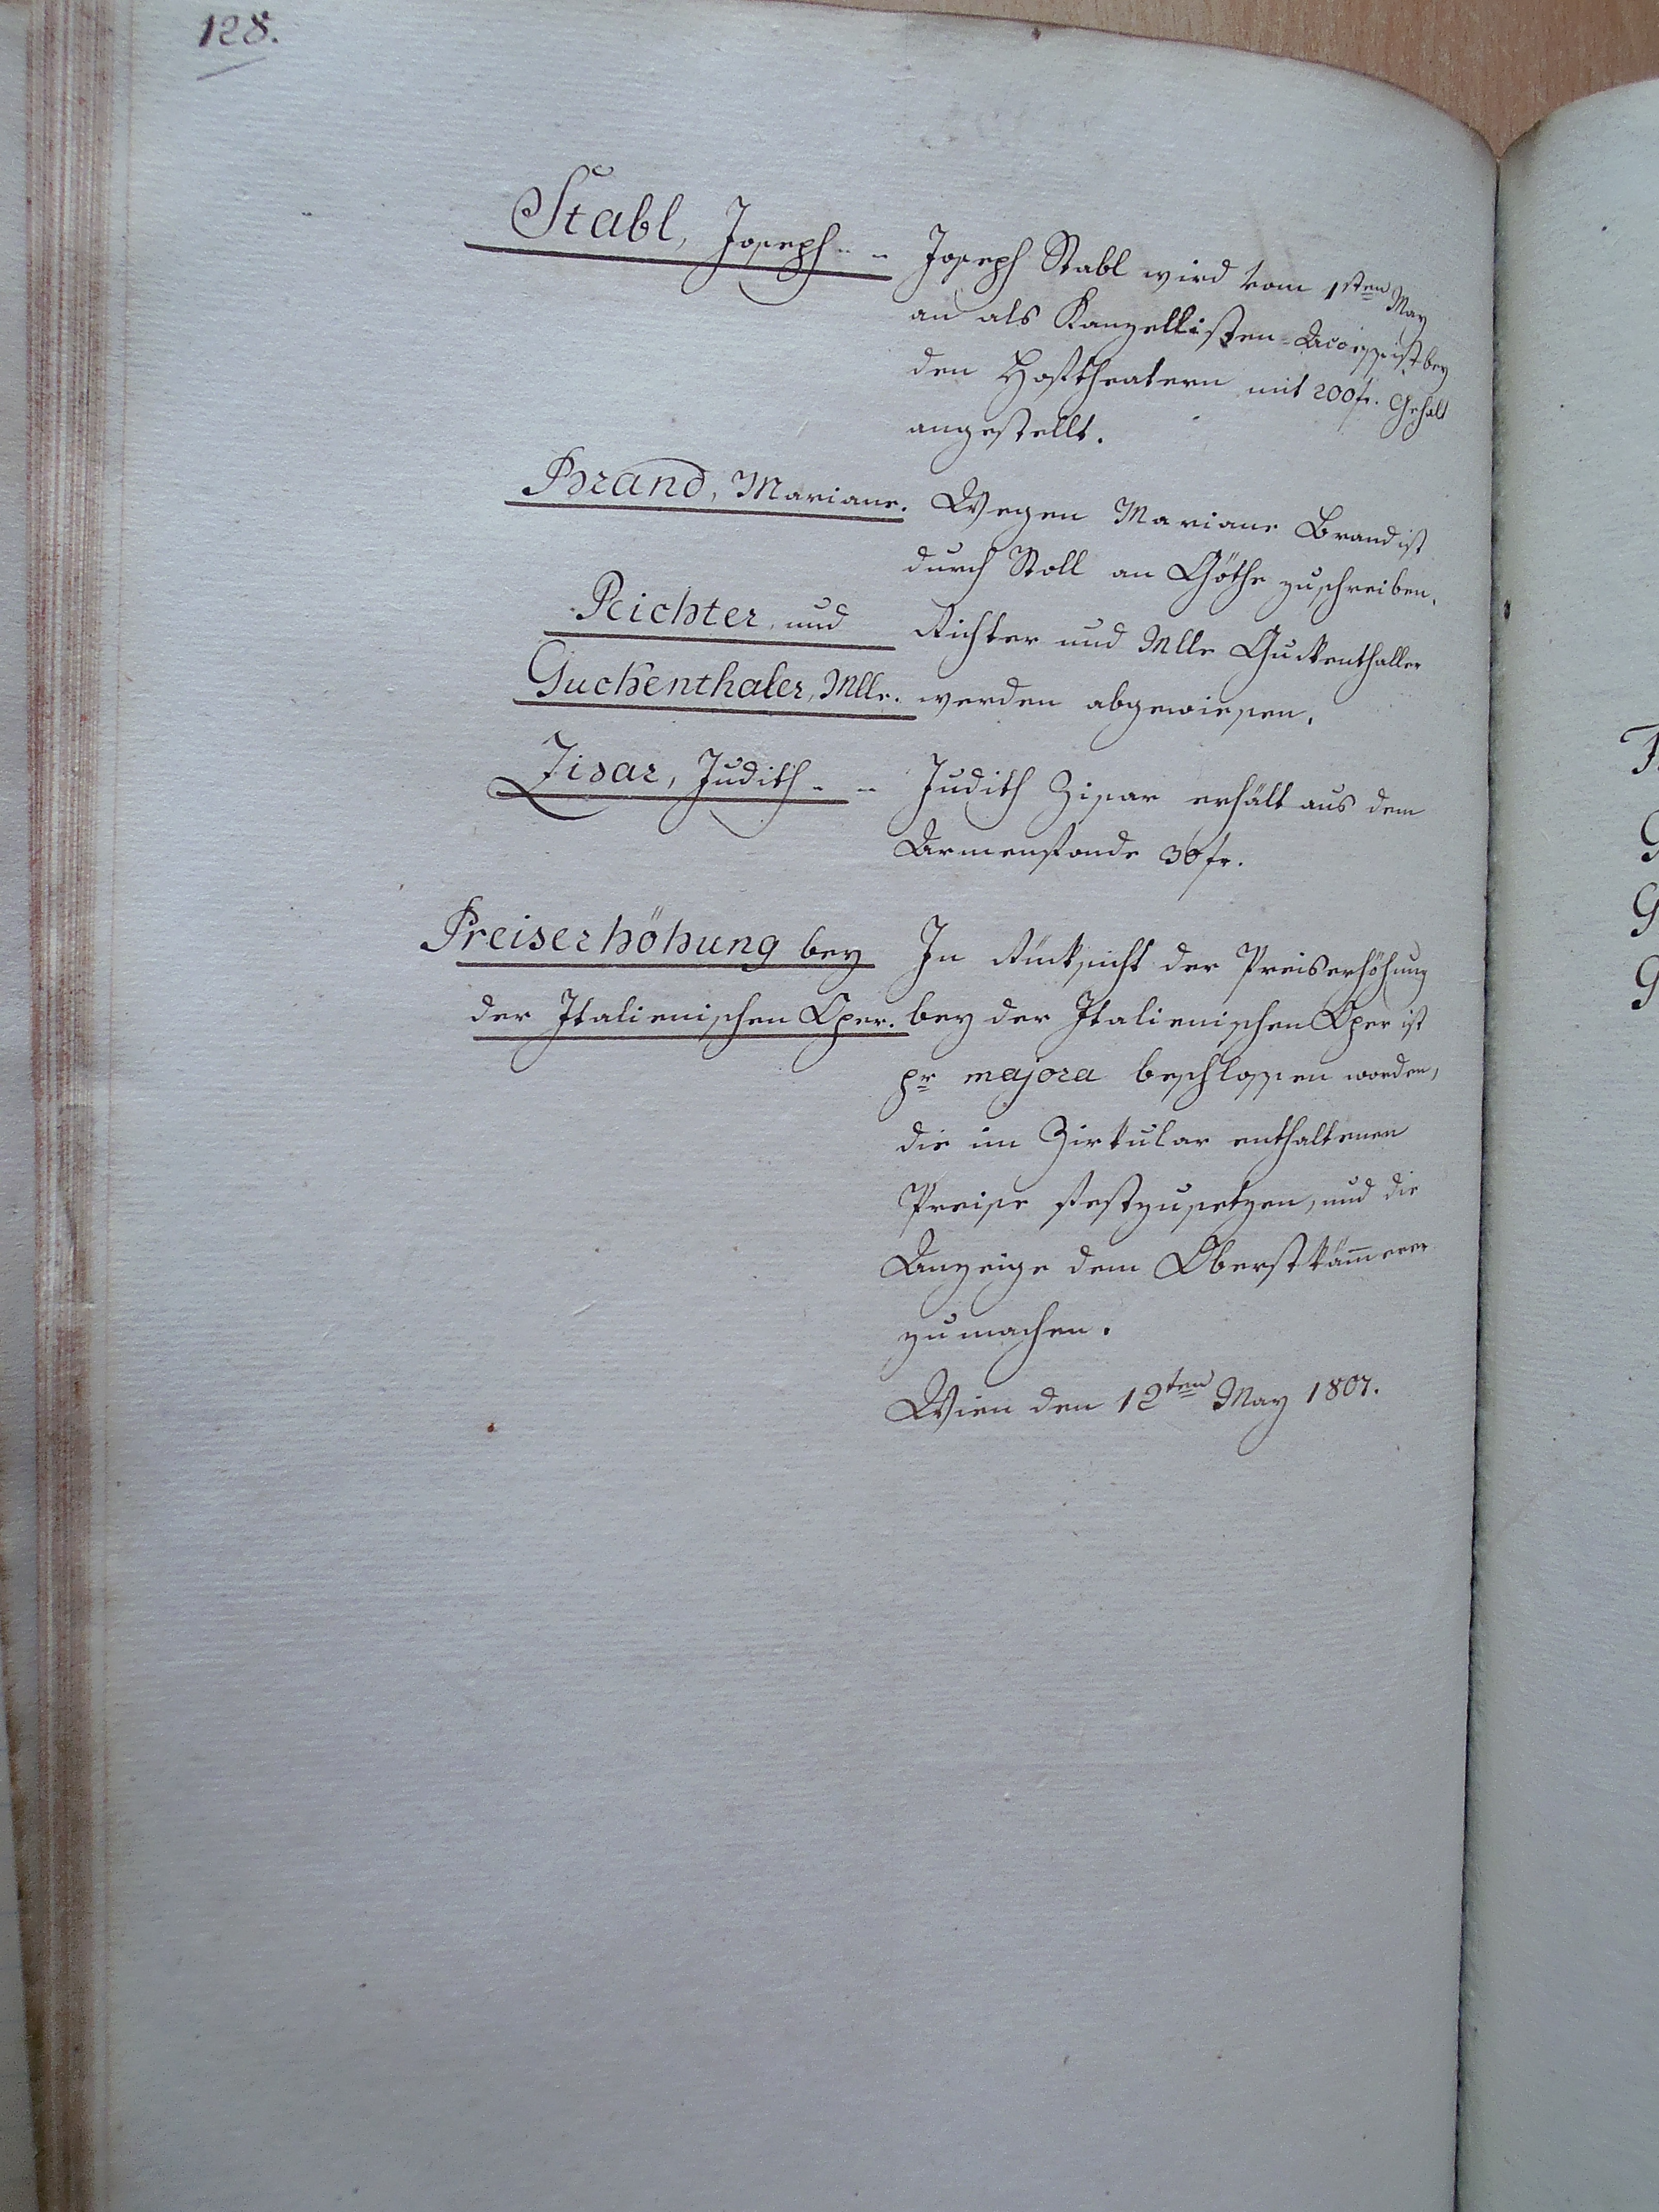128.
Stabl, Joseph .. .. Joseph Stabl wird vom 1ste͇n May
an als Kanzellisten Accessist bey
den Hoftheatern mit 200fr. Gehalt
angestellt.
Brand, Mariane. Wegen Mariane Brand ist
durch Stoll an Göthe zuschreiben.
Richter, und
Guckenhaler, Mlle.
Richter und Mlle Guckenthaller
werden abgewiesen.
Zisar, Judith .. .. Judith Zisar erhält aus dem
Armenfonde 30fr.
Preiserhöhung bey
der Italienischen Oper.
In Rücksicht der Preiserhöhung
bey der Italienischen Oper ist
pr͇ majora beschlossen worden,
die im Zirkular enthaltenen
Preise festzusetzen, und die
Anzeige dem Oberstkäm̅erer
zu machen.
Wien den 12te͇n May 1807.